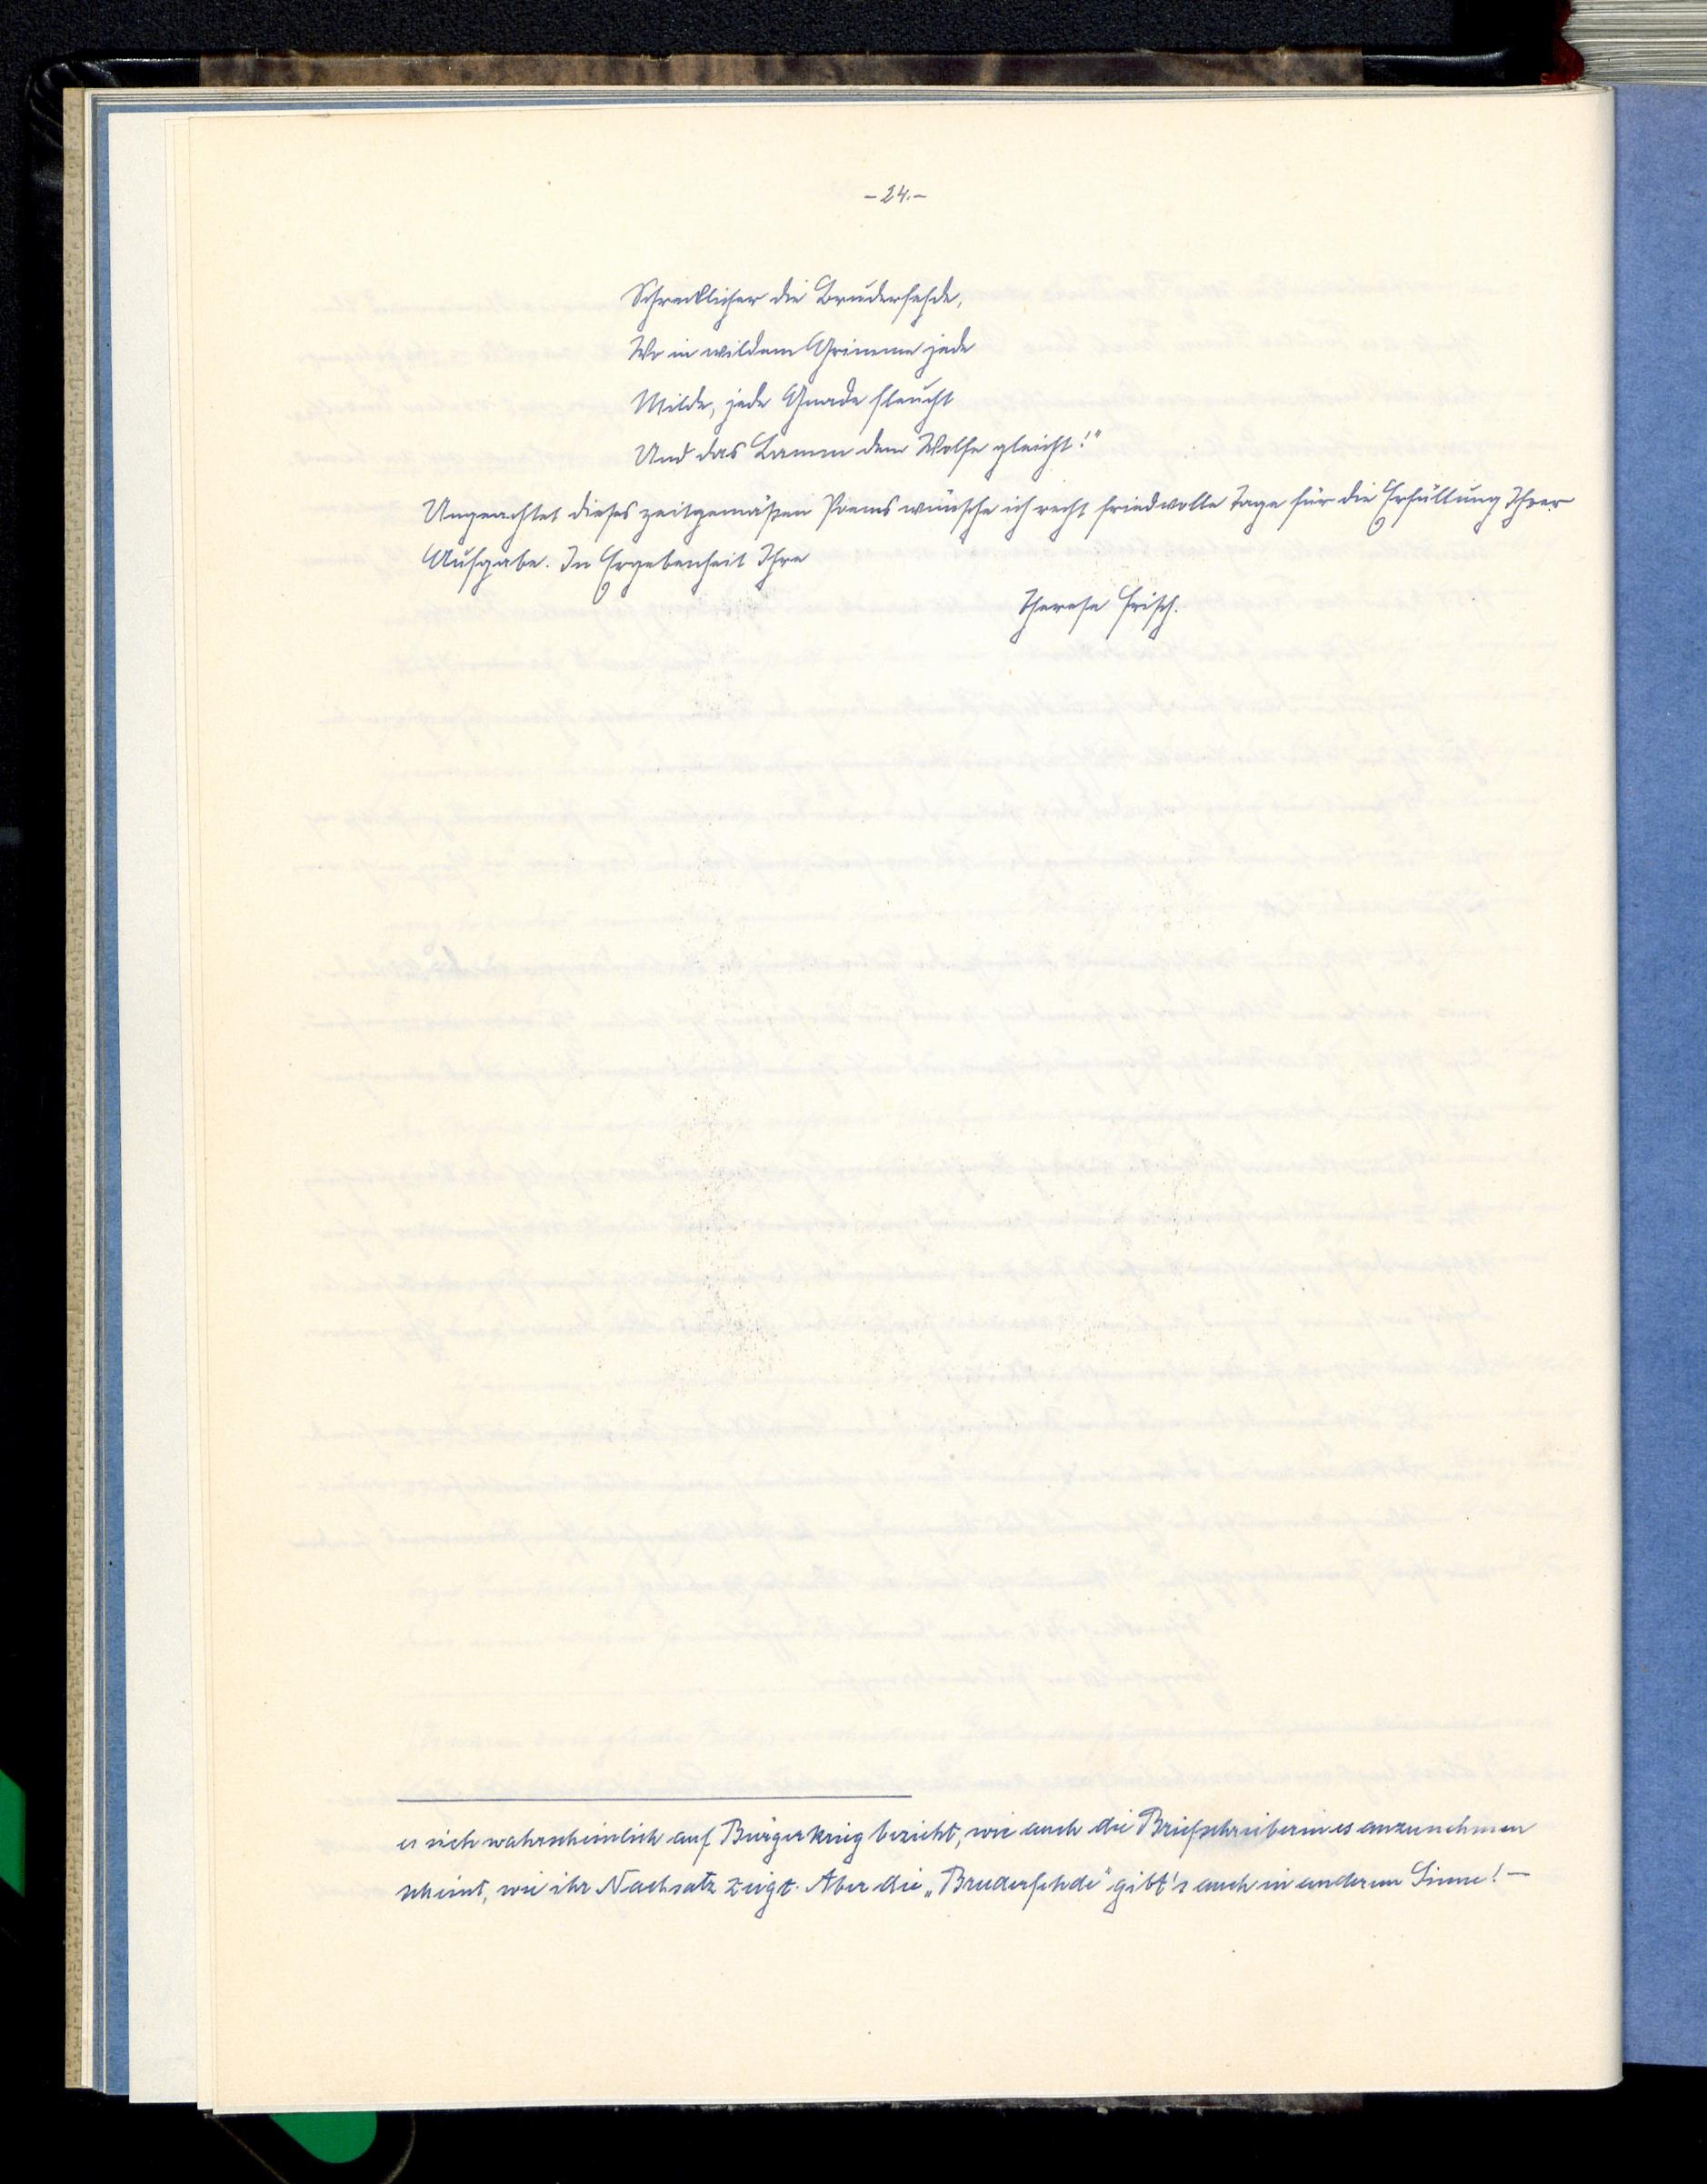24
Schrecklicher die Bruderfehde,
wo in wildem Grimmen jede
Milde, jede Gnade fleucht
Und das Lamme dem Wolfe gleicht!“
Ungeachtet dieses zeitgemäßen Poems wünsche recht friedvolle Tage für die Erfüllung Ihrer
Aufgabe. In Ergebenheit Ihre
Therese Frisch
es sich wahrscheinlich auf Bürgerkrieg bezieht, wie auch die Briefschreiberin anzunehmen
scheint, wie ihr Nachsatz zeigt. Aber die „Bruderfehde“ gibt’s auch in anderem Sinne! –